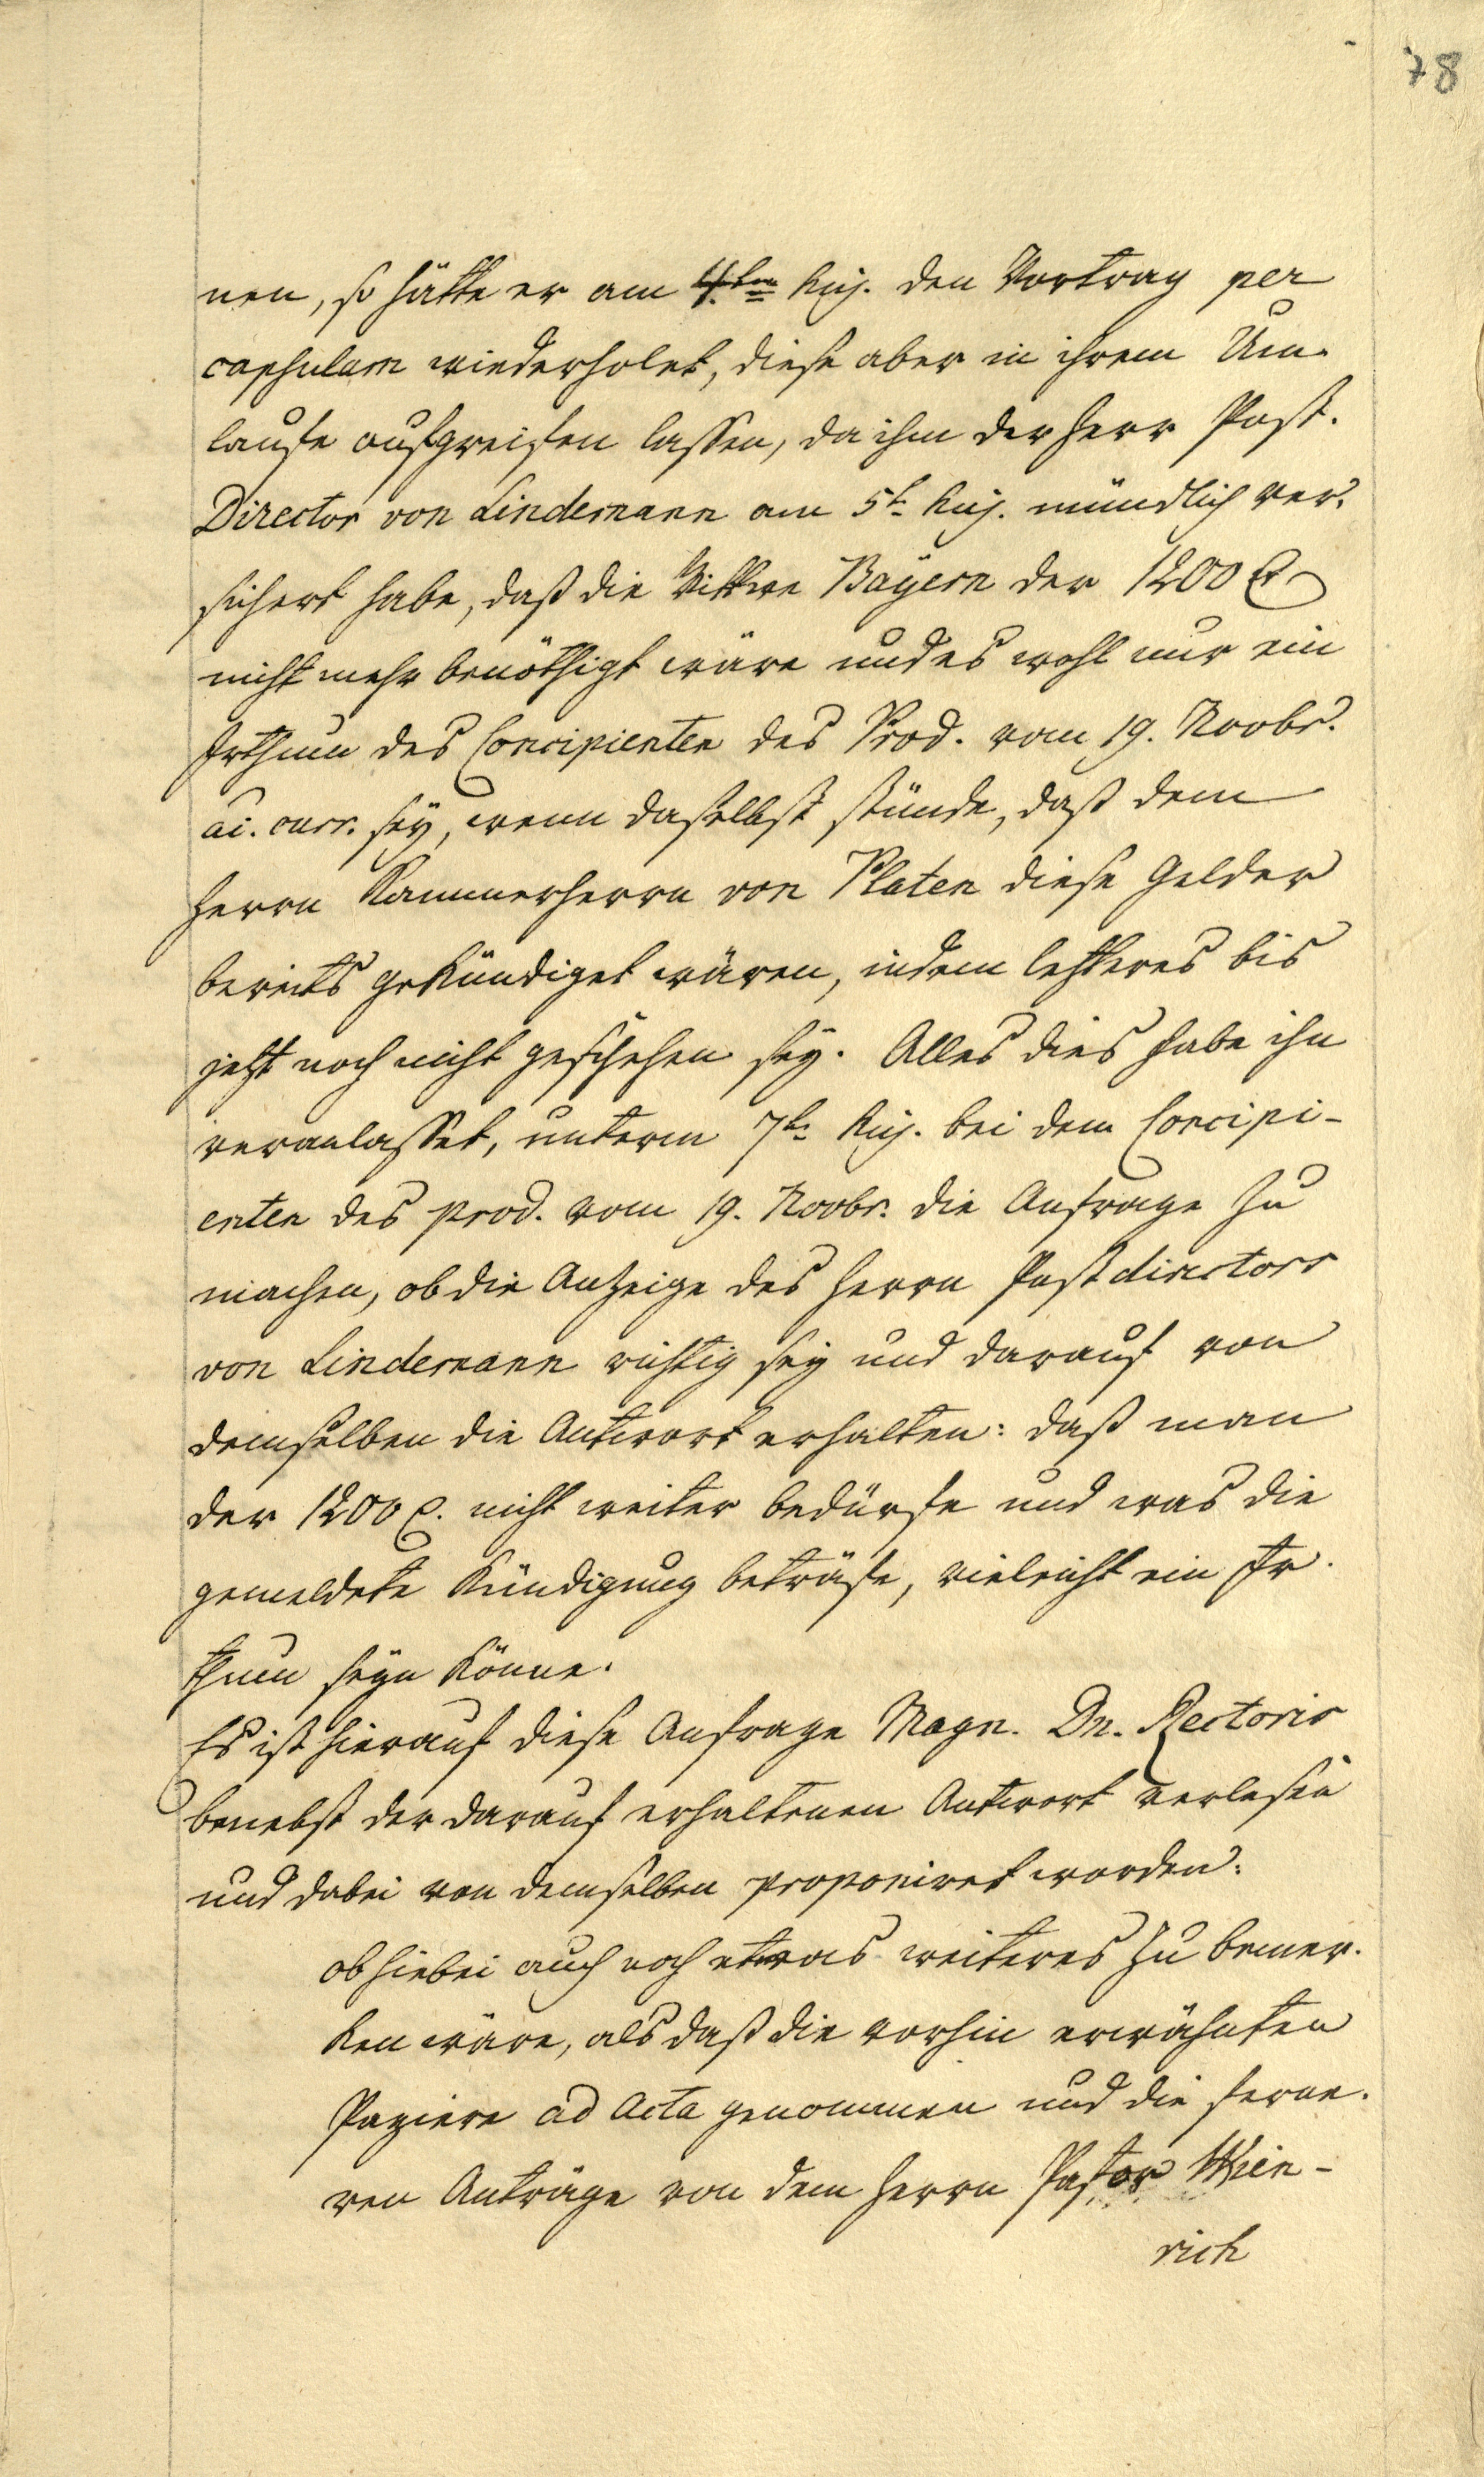nen, so hätte er am 4. ten huj. den Vortrag per
Capsulam wiederholt, diese aber in ihren Um¬
laufe aufgreifen lassen, da ihm der Herr Post¬
Director von Lindemann am 5. t. huj. mündlich ver¬
sichert habe, daß die Wittwe Baÿern der 1200 l.
nicht mehr benöthigt wäre und es wohl nur ein
Irthum des Concipienten des Prod. vom 19. Novbr.
ai. curr. seÿ, wenn daselbst stünde, daß dem
Herrn Kammerherrn von Platen diese Gelder
bereits gekündiget wären, indem letzteres bis
jetzt noch nicht geschehen seÿ. Alles dies habe ihn
veranlasset, unterm 7 ten huj. bei dem Concipi¬
enten des prod. vom 19. Novbr. die Anfrage zu
machen, ob die Anzeige des Herrn Postdirectors
von Lindemann richtig seÿ und darauf von
demselben die Antwort erhalten: daß man
der 1200 l. nicht weiter bedürfe und was die
gemeldete Kündigung beträfe, vieleicht ein Ir¬
thum seÿn könne.
Es ist hierauf diese Anfrage Magn. Dn. Rectoris
benebst der darauf erhaltenen Antwort verlesen
und dabei von demselben proponiret worden:
ob hiebei auch noch etwas weiteres zu bemer
ken wäre, als daß die vorhin erwähnten
Papiere ad Acta genommen und die ferne¬
ren Anträge von dem Herrn Pastor Wien¬
rich